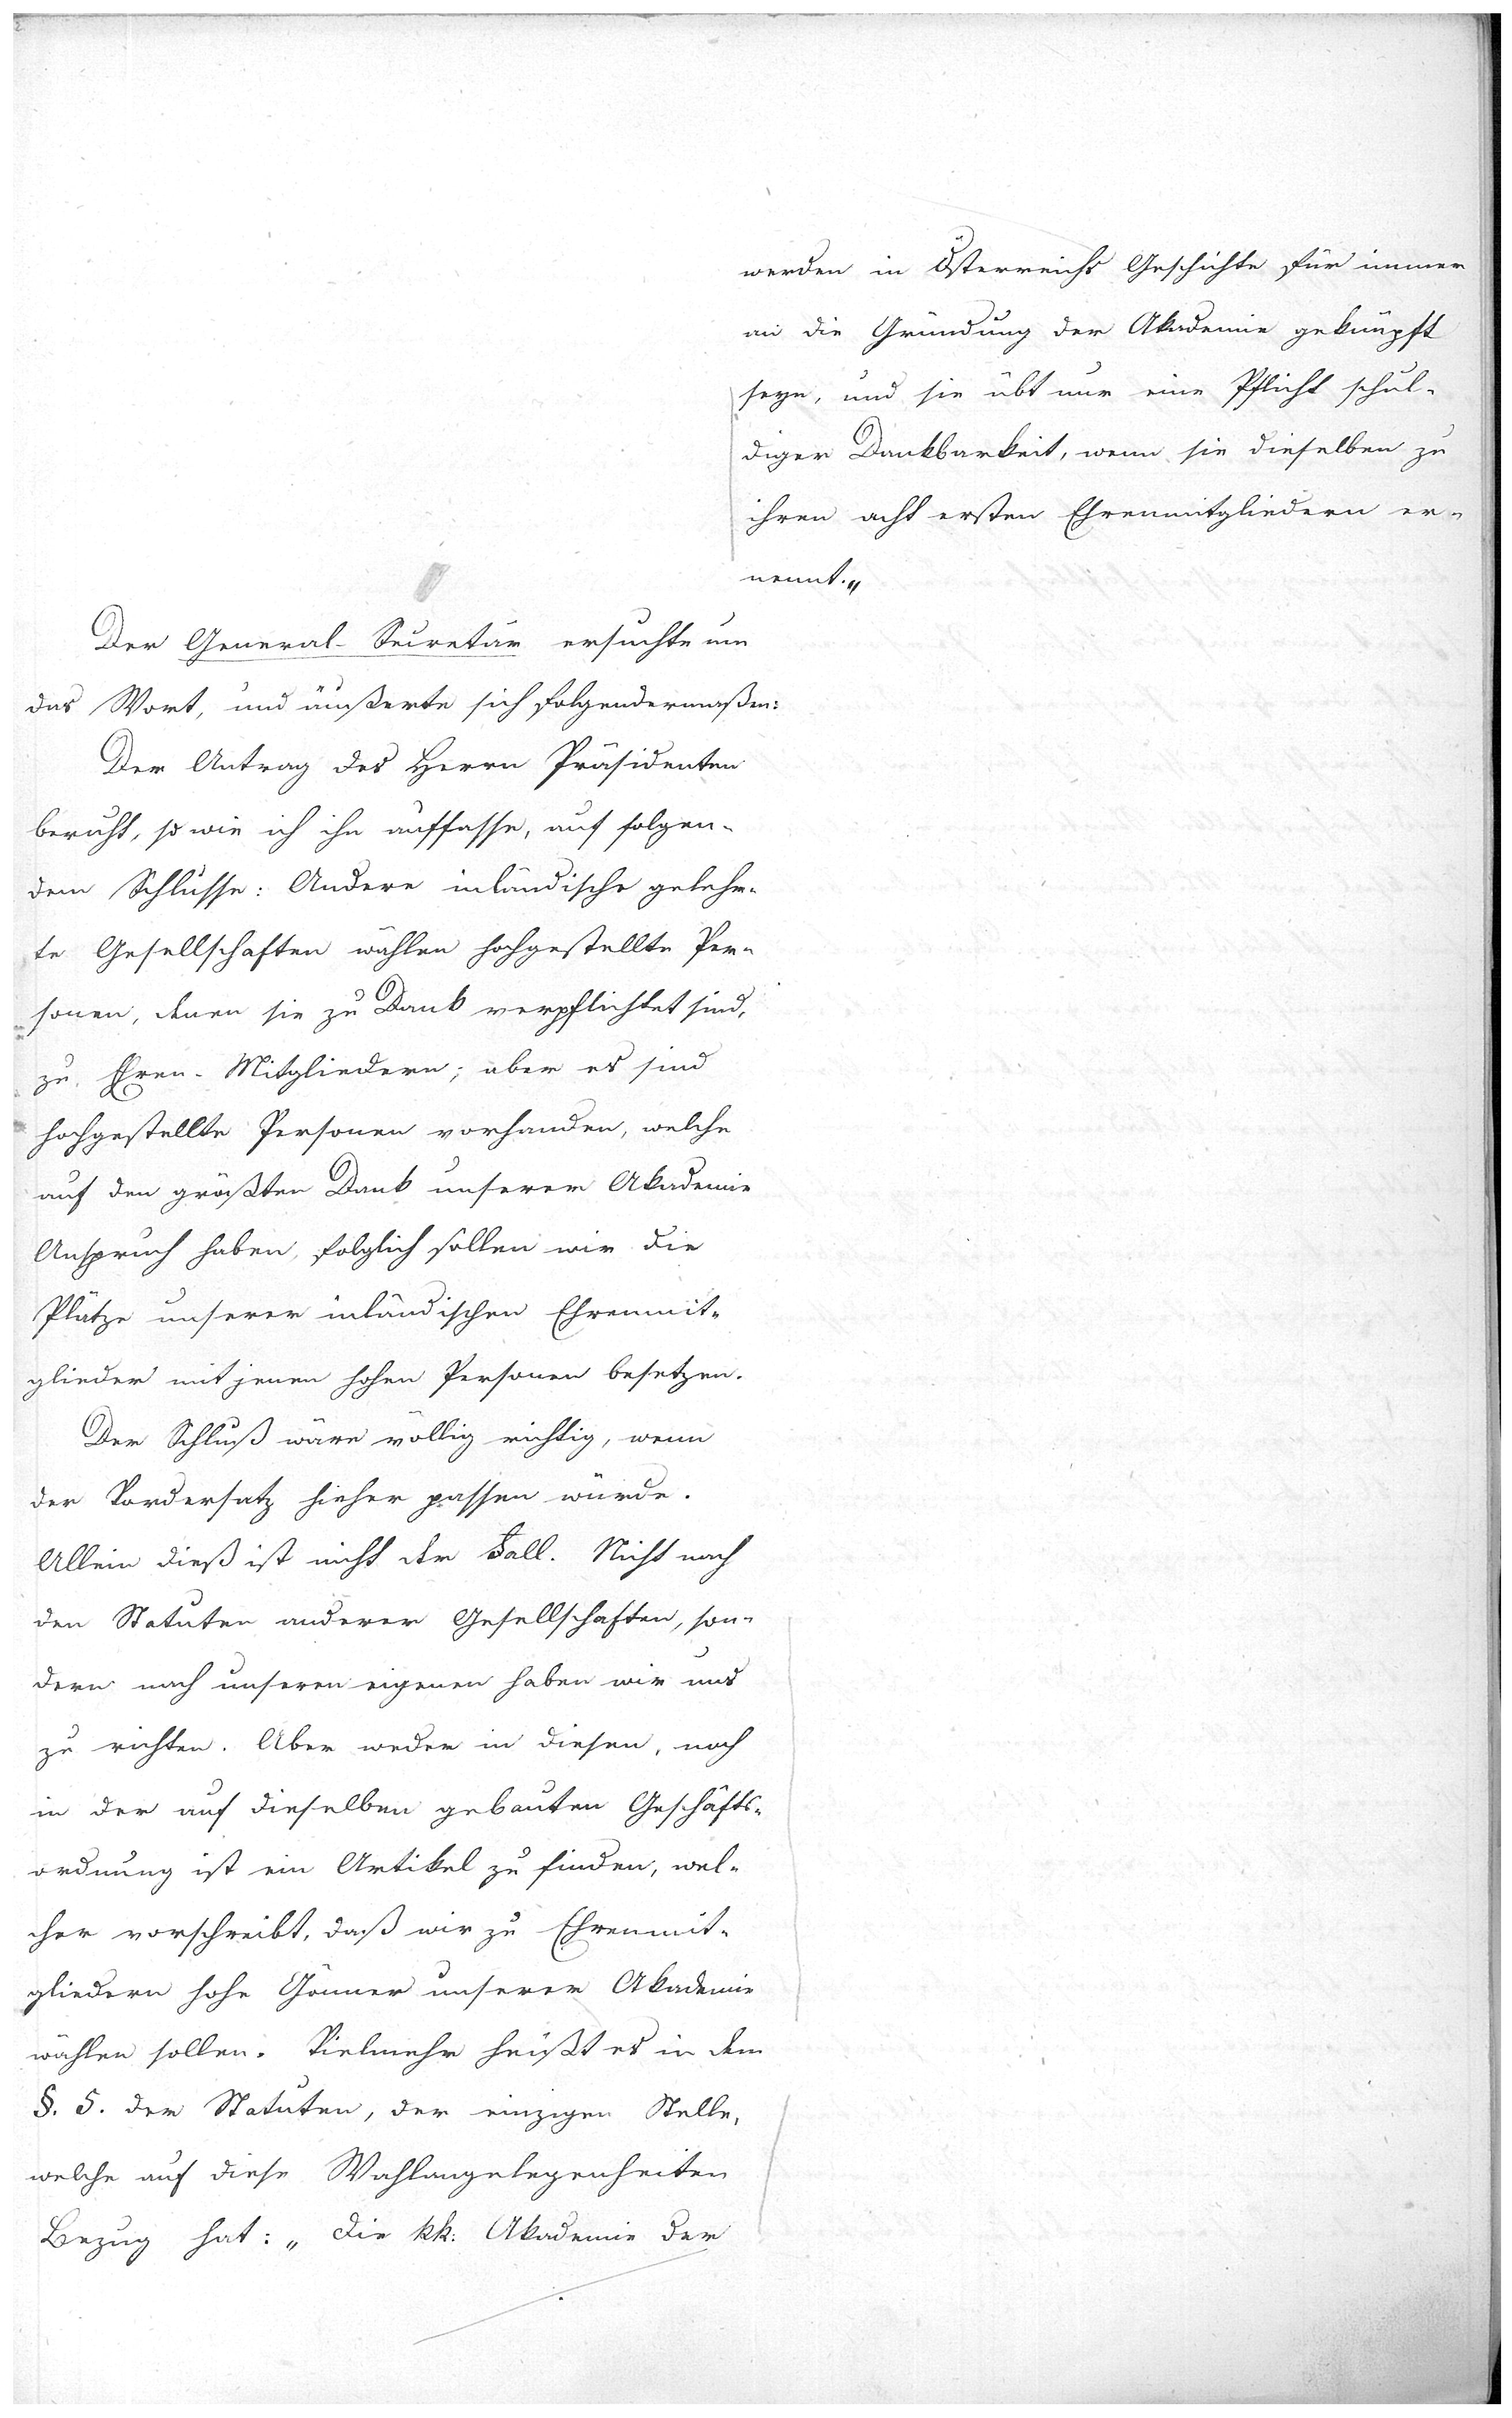werden in Österreichs Geschichte für immer
an die Gründung der Akademie geknüpft
seyn, und sie übt nur eine Pflicht schul-
diger Dankbarkeit, wenn sie dieselben zu
ihren acht ersten Ehrenmitgliedern er-
nennt."
Der General-Secretär ersucht um
das Wort, und äußerte sich folgendermaßen:
Der Antrag des Herrn Präsidenten
beruht, so wie ich ihn auffasse, auf folgen.
dem Schlusse: Andere inländische gelehr-
te Gesellschaften wählen hochgestellte Per-
sonen, deren sie zu Dank verpflichtet sind,
zu Ehren-Mitgliedern; aber es sind
hochgestellte Personen vorhanden, welche
auf den größten Dank unserer Akademie
Anspruch haben, folglich sollen wir die
Plätze unserer inländischen Ehrenmit-
glieder mit jenen hohen Personen bestzen.
Der Schluß wäre völlig richtig, wenn
der Vordersatz hieher passen würde.
Allein dieß ist nicht der Fall. Nicht nach
den Statuen anderer Gesellschaften, son-
dern nach unseren eigenen haben wir uns
zu richten. Aber werden in diesen, noch
in der auf dieselben gebauten Geschäfts-
ordnung ist ein Artikel zu finden, wel-
cher vorschreibt, daß wir zu Ehrenmit-
gliedern hohe Gönner unserer Akademie
wählen sollen. Vielmehr heißt es in dem
§. 5. der Statuten, der einzigen Stelle,
welche auf diese Wahlangelegenheiten
Bezug hat: "Die kk. Akdemie der